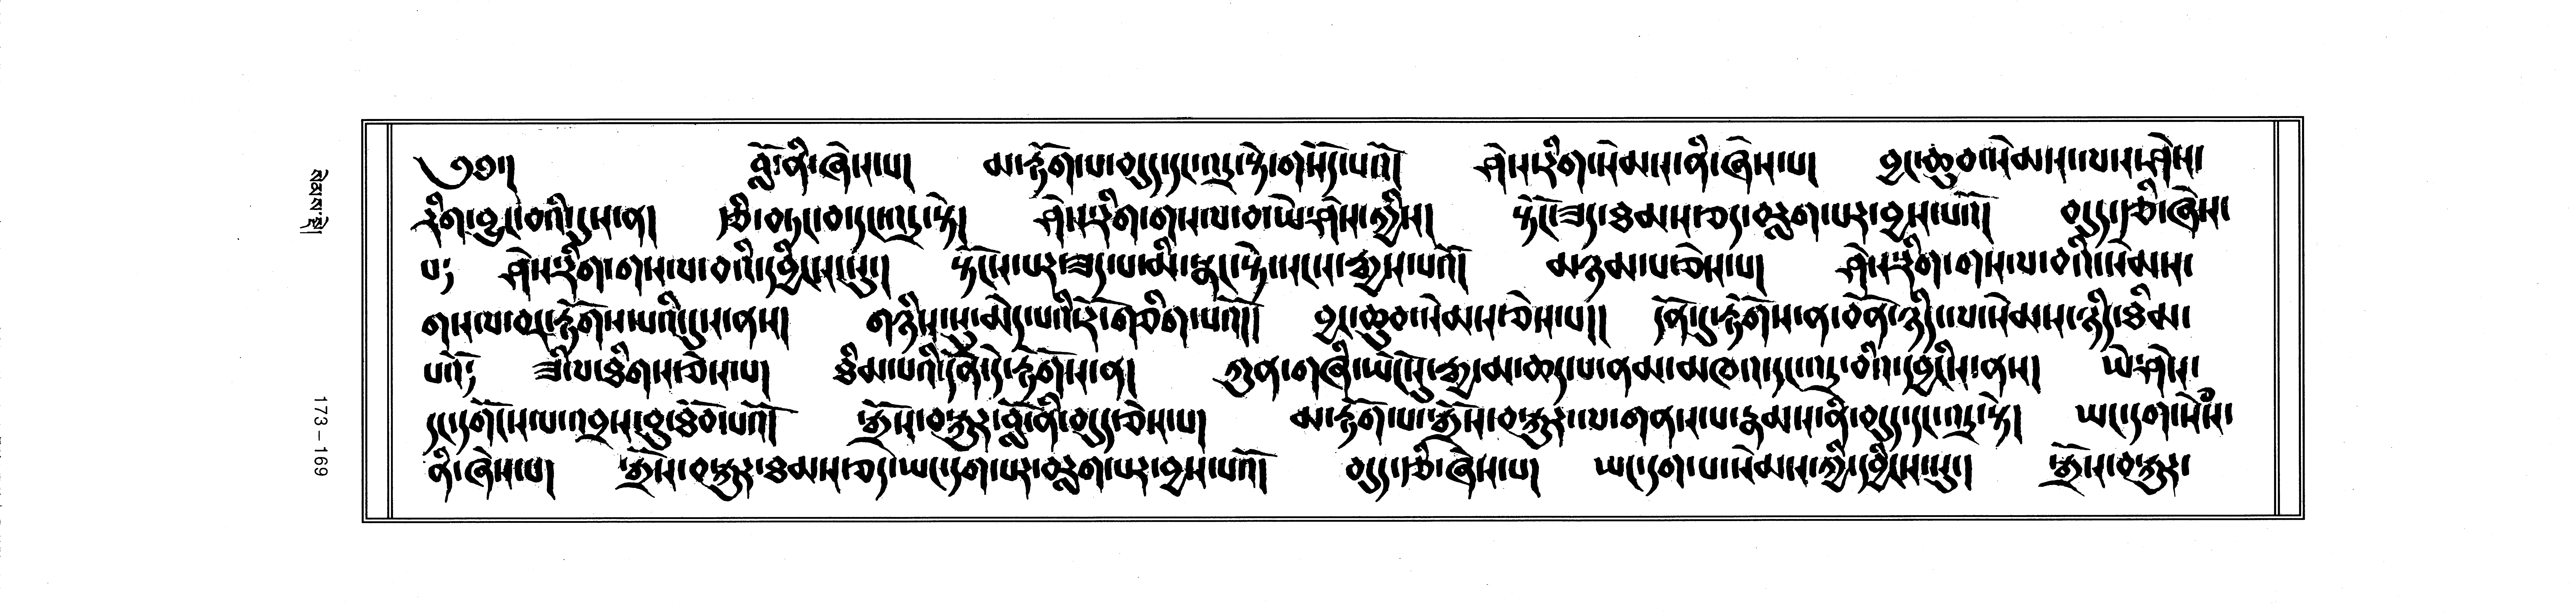བློ་ནི་ཞེས་པ། མ་རྟོགས་པ་བདུད་དང་འདྲ་སྟེ་གསོད་པའོ། ཤེས་རིག་སེམས་ནི་ཞེས་པ། བྱང་ཆུབ་སེམས་ལས་ཤེས་
རིག་བྱུང་བའི་དུས་ན། རྩི་བཏང་བ་དང་འདྲ་སྟེ། ཤེས་རིག་གསལ་བ་ཡེ་ཤེས་ཀྱིས། སྟོང་ཟད་ཐམས་ཅད་བརླག་པར་བྱས་པའོ། །བདུད་རྩི་ཞེས་
པ། ཤེས་རིག་གསལ་བའི་དབྱིངས་སུ་སྟོངས་པར་ཟད་པ་མི་སྣང་སྟེ་སངས་རྒྱས་པའོ། །མཉམ་པ་ཅེས་པ། ཤེས་རིག་གསལ་བའི་སེམས་
གསལ་བར་རྟོགས་པའི་དུས་ན། གཉིས་སུ་མེད་པར་རོ་གཅིག་པའོ། །བྱང་ཆུབ་སེམས་ཅེས་པ། ༼གཉིས་སུ་མེད་པའི༽དོན་དུ་རྟོགས་ན་བོན་ཉིད་ལ་སེམས་ཉིད་ཐིམ་
པའོ། །ཟིལ་ཐིགས་ཅེས་པ། ཐིམ་པའི་དོན་དེ་རྟོགས་ན། ཀུན་གཞི་ཡོངས་སུ་རྒྱ་མ་ཆད་པ་ནམ་མཁའ་དང་འདྲ་བའི་དབྱིངས་ནས། ཡེ་ཤེས་
དང་དགོངས་པ་དང་འབྲས་བུ་ཐོབ་པའོ། །སྒྲོ་སྐུར་བློ་ནི་བདུད་ཅེས་པ། མ་རྟོགས་པ་སྒྲོ་སྐུར་ལ་གནས་པ་རྣམས་ནི་བདུད་དང་འདྲ་སྟེ། ཡང་དག་སེམས་
ནི་ཞེས་པ། སྒྲོ་སྐུར་ཐམས་ཅད་ཡང་དག་པར་བརླག་པར་བྱས་པའོ། །བདུད་རྩི་ཞེས་པ། ཡང་དག་པ་སེམས་ཀྱི་དབྱིངས་སུ། སྒྲོ་སྐུར་